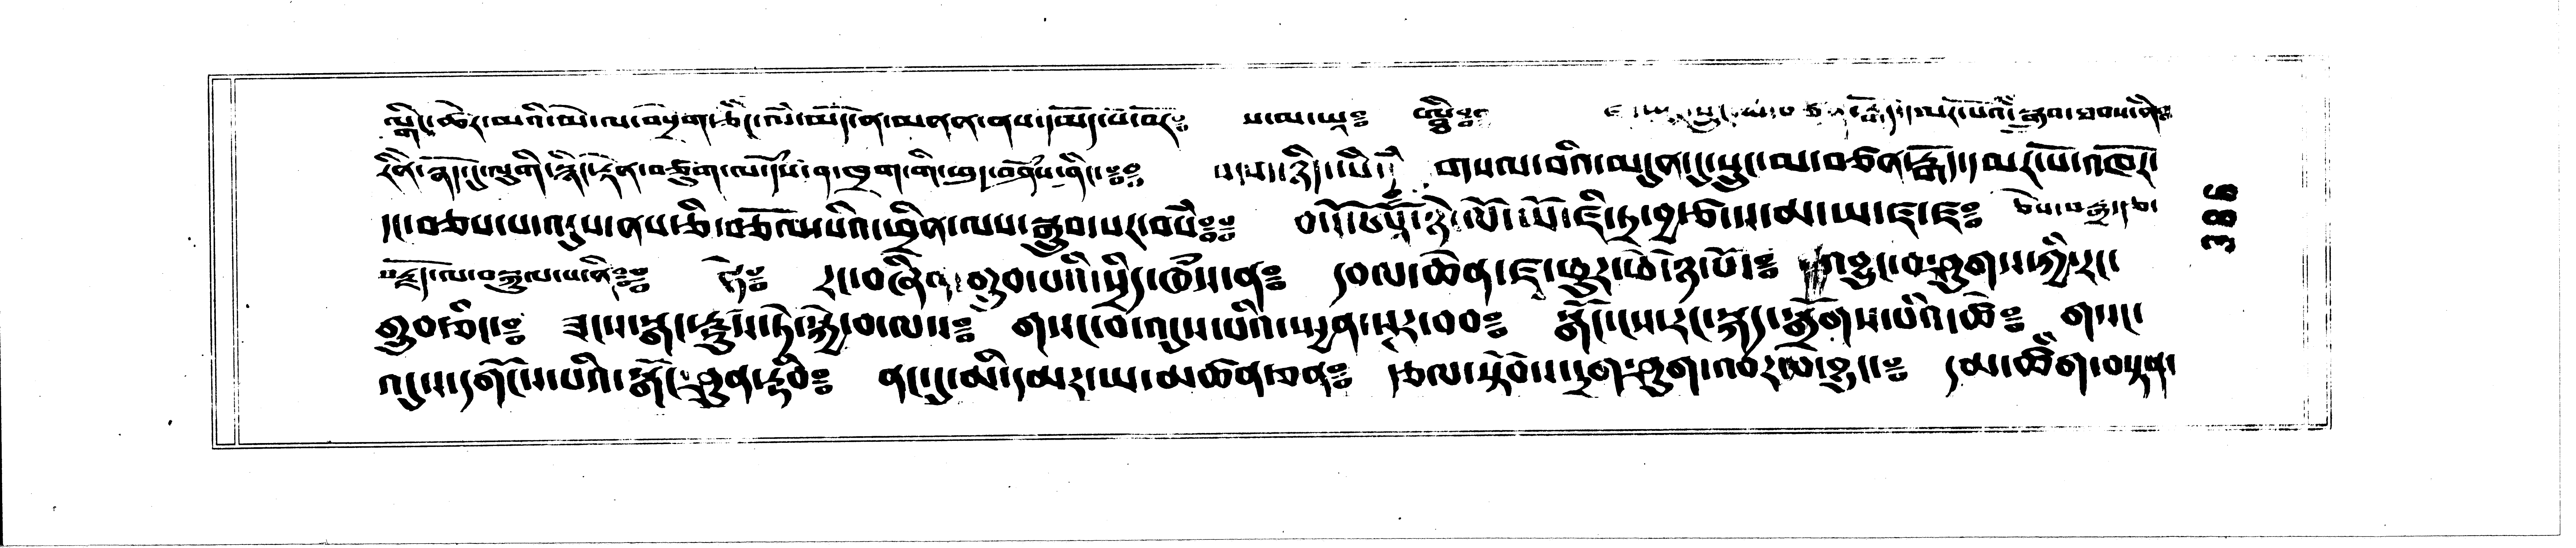ལིང་ག་ཚེར་མའི་མེ་ལ་བསྲེག་ཅིང་ལམ་མདོ་ན་མནན་ནས་དམོད་པ་བོར༔ ས་མ་ཡཱ༔ ཨྠི༔༔ ཞང་ཞུང་སྲུང་མ་བཙན་རྒོད་དམར་པོའི་སྒྲུབ་ཐབས་ནི༔ 
རིན་ཆེན་སྣོད་དུ་ལུག་གི་སྙིང་རྟེན་བཙུག་ལ་དམ་རྫས་ཤ་ཁྲག་གི་ཕུད་བཤམས་ཤིང་༔༔ བདག་ཉིད་ཡི་དམ་གསལ་བའི་མདུན་དུ་སྲུང་མ་བཙན་རྒོད་དམར་པོ་འཁོར་
དང་བཅས་པ་འདུས་ནས་ཅི་བཅོལ་པའི་ཕྲིན་ལས་བསྒྲུབ་པར་བསམ༔༔ བསྭོ་ཨཱོཾ་ཉེ་ལོ་ཡོ་ཛི་ཏྲ་བྱ་ཙ་ས་མ་ཡ་ཛ་ཛ༔ ཅེས་བརྒྱ་རྩ་
བརྗོད་ལ་བསྐུལ་པ་ནི༔༔ ཧེ༔ རང་བཞིན་གྲུབ་པའི་སྲིད་ཁམས་ན༔ དབལ་ཆེན་ཛྭ་ཕུར་ཕོ་ཉ་པོ༔ འབྱུང་བ་ཤུགས་ཀྱི་རང་
གྲུབ་ཅིང་༔ ཟངས་སྒོང་རྫུས་ཏེ་སྐྱེ་བ་ལས༔ གསང་བ་འདུས་པའི་སྤྱན་སྔར་བབ༔ སྒོང་ངས་རང་སྐད་སྒྲོགས་པའི་ཚེ༔ གསང་
འདུས་དགོངས་པའི་སྒོང་ཤུན་རྡིབ༔ ནང་དུ་མི་དམར་ཡ་མཚན་ཅན༔ རྩལ་སྟོབས་དྲག་ཤུགས་འབར་བ་བྱུང་༔ དམ་ཚིག་བསྟན་